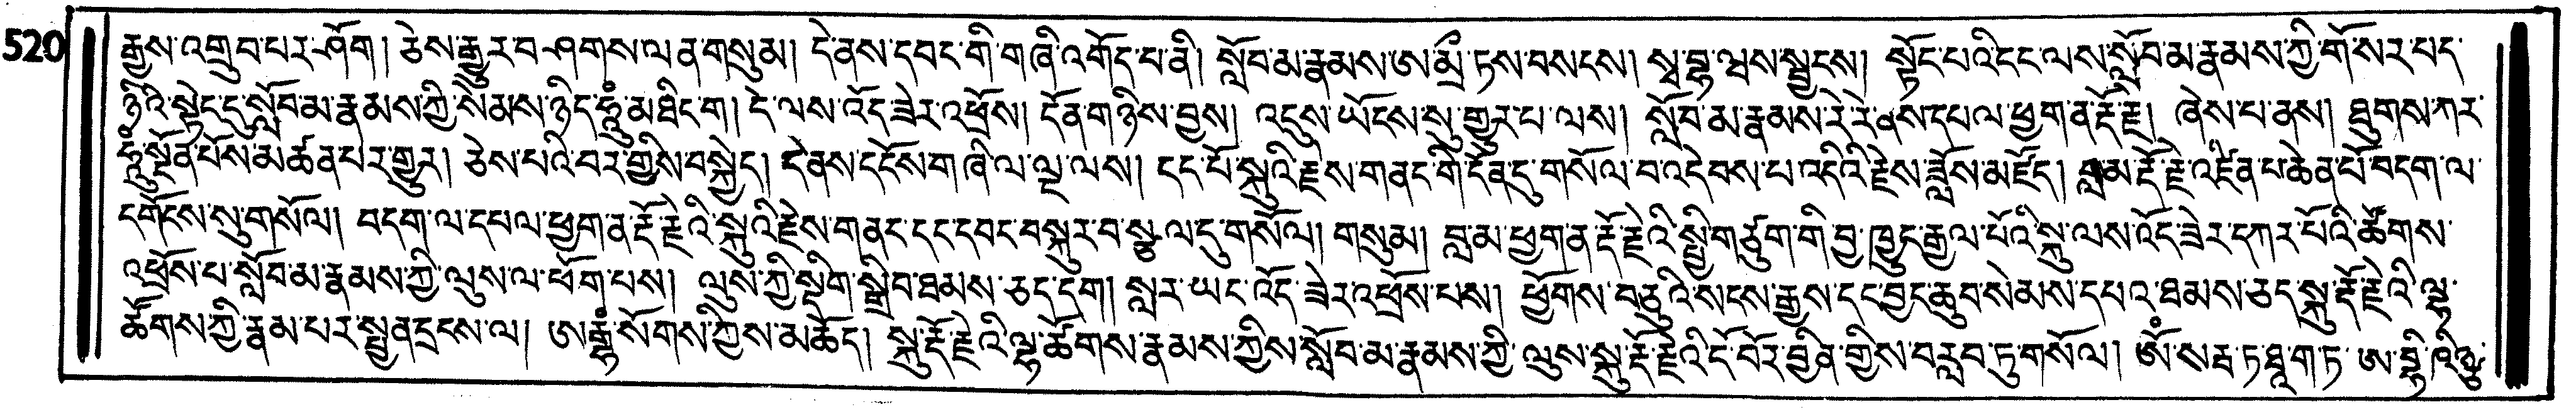རྒྱས་འགྲུབ་པར་ཤོག། ཅེས་རྒྱུར་བཤགས་ལན་གསུམ། དེ་ནས་དབང་གི་གཞི་འགོད་པ་ནི། སློབ་མ་རྣམས་ཨ་མྲྀ་ཏས་བསངས། སྭ་བྷ་ཝས་སྦྱངས། སྟོང་པའི་ངང་ལས་སློབ་མ་རྣམས་ཀྱི་གོ་སར་པད་
ཉིའི་སྟེང་དུ་སློབ་མ་རྣམས་ཀྱི་སེམས་ཉིད་ཧཱུཾ་མཐིང་ག །དེ་ལས་འོད་ཟེར་འཕྲོས། དོན་གཉིས་བྱས། འདུས་ཡོངས་སུ་གྱུར་པ་ལས། སློབ་མ་རྣམས་རེ་རེ་ནས་དཔལ་ཕྱག་ན་རྡོ་རྗེ། ཞེས་པ་ནས། ཐུགས་ཀར་
ཧཱུཾ་སྔོན་པོས་མཚན་པར་གྱུར། ཅེས་པའི་བར་གྱིས་བསྐྱེད། དེ་ནས་དངོས་གཞི་ལ་ལྔ་ལས། དང་པོ་སྐུའི་རྗེས་གནང་གི་དོན་དུ་གསོལ་བ་འདེབས་པ་འདིའི་རྗེས་ཟློས་མཛོད། བླ་མ་རྡོ་རྗེ་འཛིན་པ་ཆེན་པོ་བདག་ལ་
དགོངས་སུ་གསོལ། བདག་ལ་དཔལ་ཕྱག་ན་རྡོ་རྗེའི་སྐུའི་རྗེས་གནང་དང་དབང་བསྐུར་བ་སྩལ་དུ་གསོལ། གསུམ། བླ་མ་ཕྱག་ན་རྡོ་རྗེའི་སྤྱི་གཙུག་གི་བྱ་ཁྱུང་རྒྱལ་པོའི་སྐུ་ལས་འོད་ཟེར་དཀར་པོའི་ཚོགས་
འཕྲོས་པ་སློབ་མ་རྣམས་ཀྱི་ལུས་ལ་ཕོག་པས། ལུས་ཀྱི་སྡིག་སྒྲིབ་ཐམས་ཅད་དག །སླར་ཡང་འོད་ཟེར་འཕྲོས་པས། ཕྱོགས་བཅུའི་སངས་རྒྱས་དང་བྱང་ཆུབ་སེམས་དཔའ་ཐམས་ཅད་སྐུ་རྡོ་རྗེའི་ལྷ་
ཚོགས་ཀྱི་རྣམ་པར་སྤྱན་དྲངས་ལ། ཨརྒྷཾ་སོགས་ཀྱིས་མཆོད། སྐུ་རྡོ་རྗེའི་ལྷ་ཚོགས་རྣམས་ཀྱིས་སློབ་མ་རྣམས་ཀྱི་ལུས་སྐུ་རྡོ་རྗེའི་ངོ་བོར་བྱིན་གྱིས་བརླབ་ཏུ་གསོལ། ཨོཾ་སརྦ་ཏ་ཐཱ་ག་ཏ་ཨ་བྷི་ཥིཉྩ་